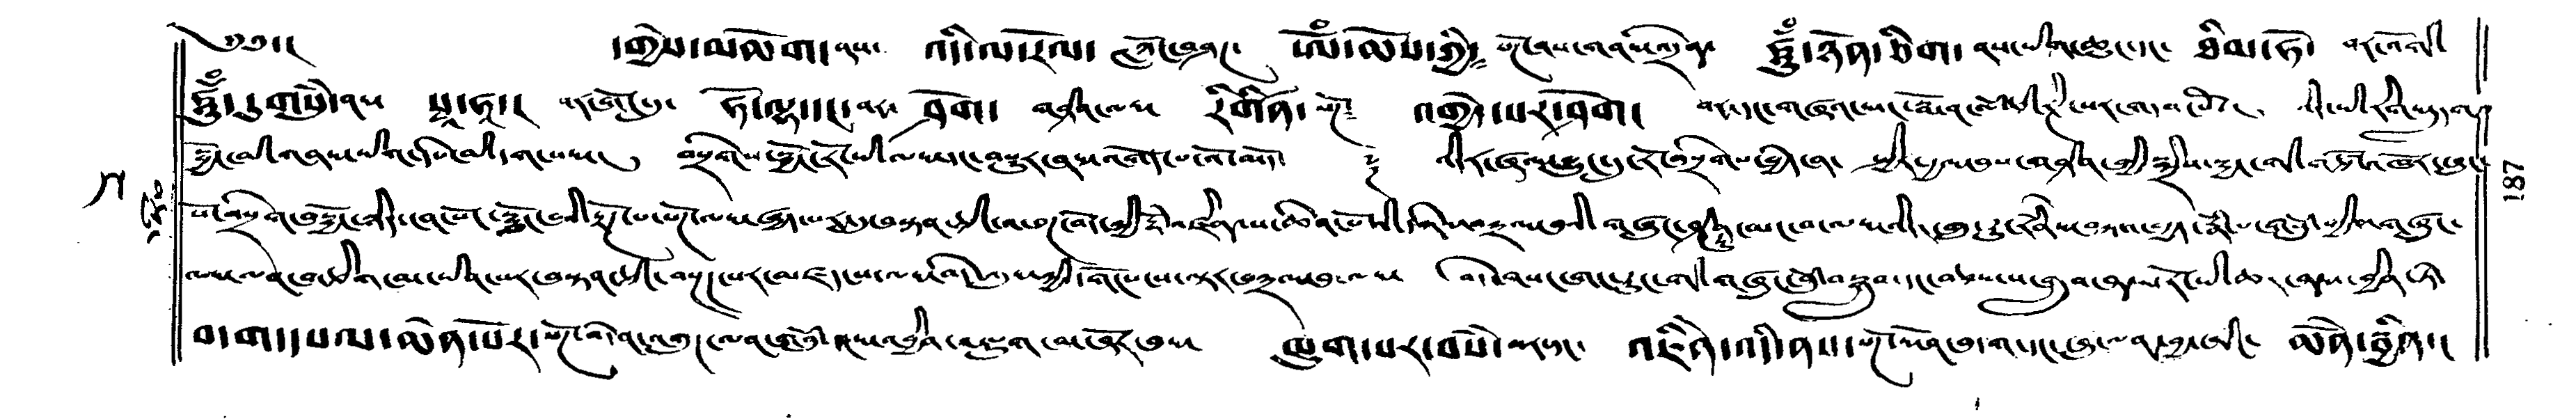དགྱེས་མཆོག༴ ནས། འདི་ལ་རོལ། ཀློང་བཤགས། ཨོཾ། ཆོས་ཀྱི༴ སོགས། གནས་འདྲེན། ཧཱུྃ༔ཉོན་ཅིག༴ ནས་ཡིག་ཆུང་དང་། ཐིམ་ཧོ། བར་འོག་གི 
ཧཱུྃ༔དུས་གསུམ༴ ནས། སྭ་ཧཱ། བར། གོང་དུ། ཧོ༔ལྷ་དང༴ ནས། ཤོག༔ བར། གཤིན་ལས། རིག་འཛིན༴ སོགས། འགྱེད་པར་ཤོག༔ བར་དང་གཞན་ཡང་སྨོན་ལམ་ཅི་རིགས་པར་གདབ་པོ། འདི་ཡི་རིགས་དྲུག་
སྦྱོང་བའི་གནས་ཡིག་དཔེ་མི་དག་པས། སྲེག་སྦྱོང་རོ་ཡི་ལས་དང་བསྡུར་ནས་འཀོད་པའོ། ༈ འདིར་ཞར་བྱུང་དུ་རོ་སྲེག་བྱེད་ན། སྤྱིར་རྒྱས་བས་གཤིན་པོའི་སྒྲིབ་སྦྱང་གི་གཙོ་འཁོར་ཕུང་
པོ་སྲེག་སྦྱོང་ཉིད་ངན་སོང་སྦྱོང་བའི་རྟོགས་པ་སོགས་ལས་ཁྱད་པར་དུ་བསྟན་ཅིང་འཕགས་བོད་ཀྱི་རྡོ་རྗེ་འཛིན་པ་ཆེན་པོ་དག་གིས་བཀྲལ་བའི་གཞུང་ཤིན་ཏུ་མང་བ་ལས་འདིར་གུ་རུ་རིན་པོ་ཆེས་བཀའ་བརྒྱད་རྣམ་པ་གསུམ་གྱི་གཞུང་
ལས་ལན་གཅིག་མ་ཡིན་པར་བསྟན་ཅིང་བསྔགས་པར་མཛད་པ་ལས་བདེ་འདུས་ཀྱི་དགོངས་པ་ལྟར་བཀྲལ་བ་ལས། བདེ་གསང་གང་རུང་གི་གཞུང་བུམ་སྒྲུབ་དང་བཅས་པ་གྲུབ་ནས་རོ་ཡི་སར་ཕྱིན་ཏེ། 
བདག་དཔལ་ཆེན་པོར་སོགས་བདེན་འགུགས་ལན་གསུམ་ནས་འབྱིན་འཇུག་མ་ནོར་བས། ཁུགས་པར་བསམ་བར་དང་། འཇིག་རྟེན་འདི་ནས་སོགས་ཡོན་བདག་དང་ཞུུ་ལན་བྱ་ཞིང་། ཆེན་པོ་སྦྱིན༔